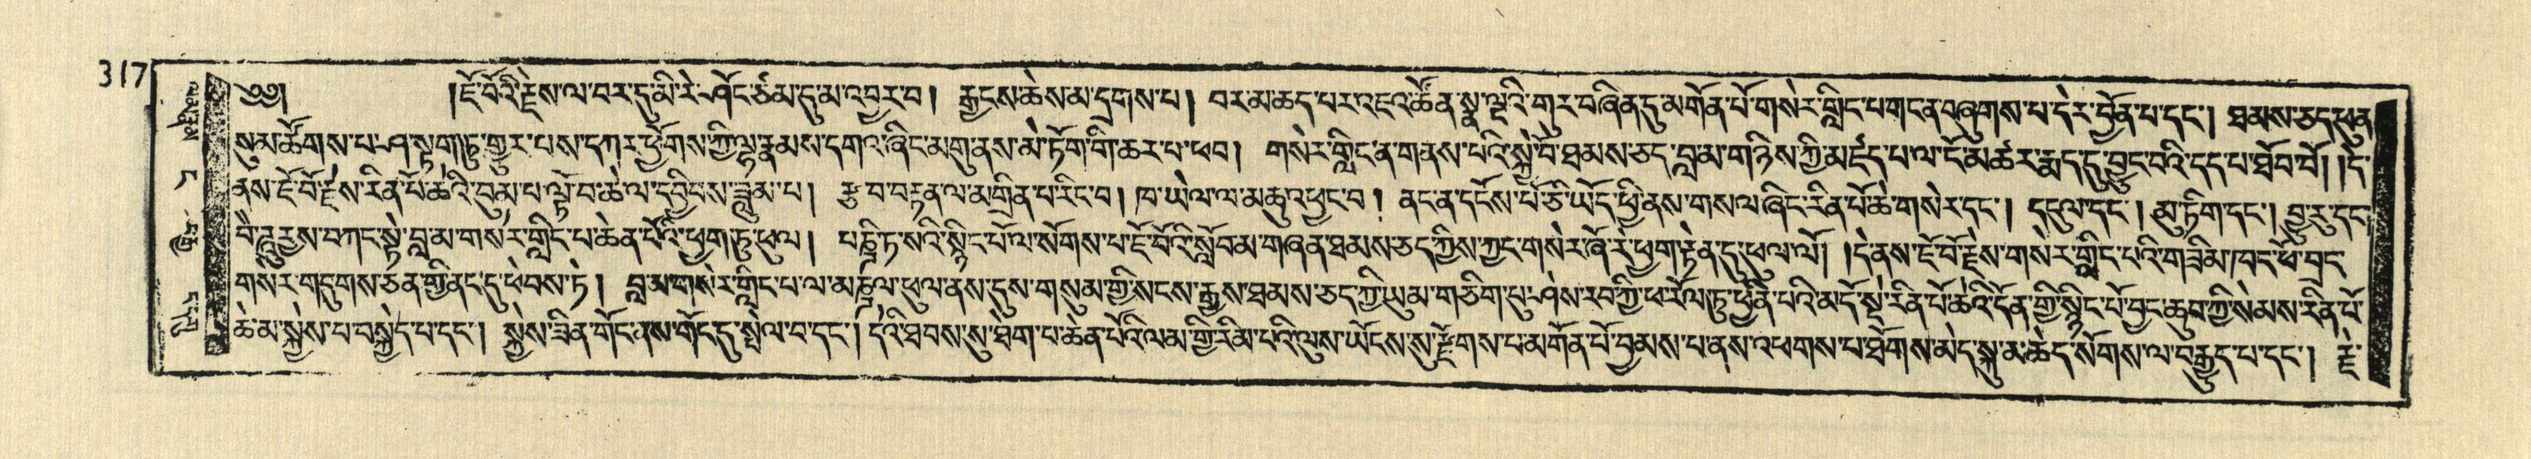༄༅། །ཇོ་བོའི་རྗེས་ལ་བར་དུ་མི་རེ་ཤོང་ཙམ་དུ་མ་འབྱར་བ། རྒྱངས་ཆེས་མ་དྲགས་པ། བར་མ་ཆད་པར་འཇའ་ཚོན་སྣ་ལྔའི་གུར་བཞིན་དུ་མགོན་པོ་གསེར་གླིང་པ་གང་ན་བཞུགས་པ་དེར་བྱོན་པ་དང་། ཐམས་ཅད་ཕུན་
སུམ་ཚོགས་པ་ཤ་སྟག་ཏུ་གྱུར་པས་དཀར་ཕྱོགས་ཀྱི་ལྷ་རྣམས་དགའ་ཞིང་མགུ་ནས་མེ་ཏོག་གི་ཆར་པ་ཕབ། གསེར་གླིང་ན་གནས་པའི་སྐྱེ་བོ་ཐམས་ཅད་བླ་མ་གཉིས་ཀྱི་མཛད་པ་ལ་ངོ་མཚར་རྨད་དུ་བྱུང་བའི་དད་པ་ཐོབ་བོ། །དེ་
ནས་ཇོ་བོ་རྗེས་རིན་པོ་ཆེའི་བུམ་པ་ལྟོ་བ་ཆེ་ལ་དབྱིབས་ཟླུམ་པ། རྩ་བ་བརྟན་ལ་མགྲིན་པ་རིང་བ། ཁ་ཡེལ་ལ་མཆུ་འཕྱང་བ། ནང་ན་དངོས་པོ་ཅི་ཡོད་ཕྱི་ནས་གསལ་ཞིང་རིན་པོ་ཆེ་གསེར་དང་། དངུལ་དང་། མུ་ཏིག་དང་། བྱུ་རུ་དང་།
བཻ་ཌཱུརྱས་བཀང་སྟེ་བླ་མ་གསེར་གླིང་པ་ཆེན་པོའི་ཕྱག་ཏུ་ཕུལ། པཎྜི་ཏ་སའི་སྙིང་པོ་ལ་སོགས་པ་ཇོ་བོའི་སློབ་མ་གཞན་ཐམས་ཅད་ཀྱིས་ཀྱང་གསེར་ཞོ་རེ་ཕྱག་རྟེན་དུ་ཕུལ་ལོ། །དེ་ནས་ཇོ་བོ་རྗེས་གསེར་གླིང་པའི་གཟིམ་ཁང་ཕོ་བྲང་
གསར་གདུགས་ཅན་གྱི་ནང་དུ་ཕེབས་ཏེ། བླ་མ་གསེར་གླིང་པ་ལ་མཎྜལ་ཕུལ་ནས་དུས་གསུམ་གྱི་སངས་རྒྱས་ཐམས་ཅད་ཀྱི་ཡུམ་གཅིག་པུ་ཤེས་རབ་ཀྱི་ཕ་རོལ་ཏུ་ཕྱིན་པའི་མདོ་སྡེ་རིན་པོ་ཆེའི་དོན་གྱི་སྙིང་པོ་བྱང་ཆུབ་ཀྱི་སེམས་རིན་པོ་
ཆེ་མ་སྐྱེས་པ་བསྐྱེད་པ་དང་། སྐྱེས་ཟིན་གོང་ནས་གོང་དུ་སྤེལ་བ་དང་། དེའི་ཐབས་སུ་ཐེག་པ་ཆེན་པོའི་ལམ་གྱི་རིམ་པའི་ལུས་ཡོངས་སུ་རྫོགས་པ་མགོན་པོ་བྱམས་པ་ནས་འཕགས་པ་ཐོགས་མེད་སྐུ་མཆེད་སོགས་ལ་བརྒྱུད་པ་དང་། རྗེ་